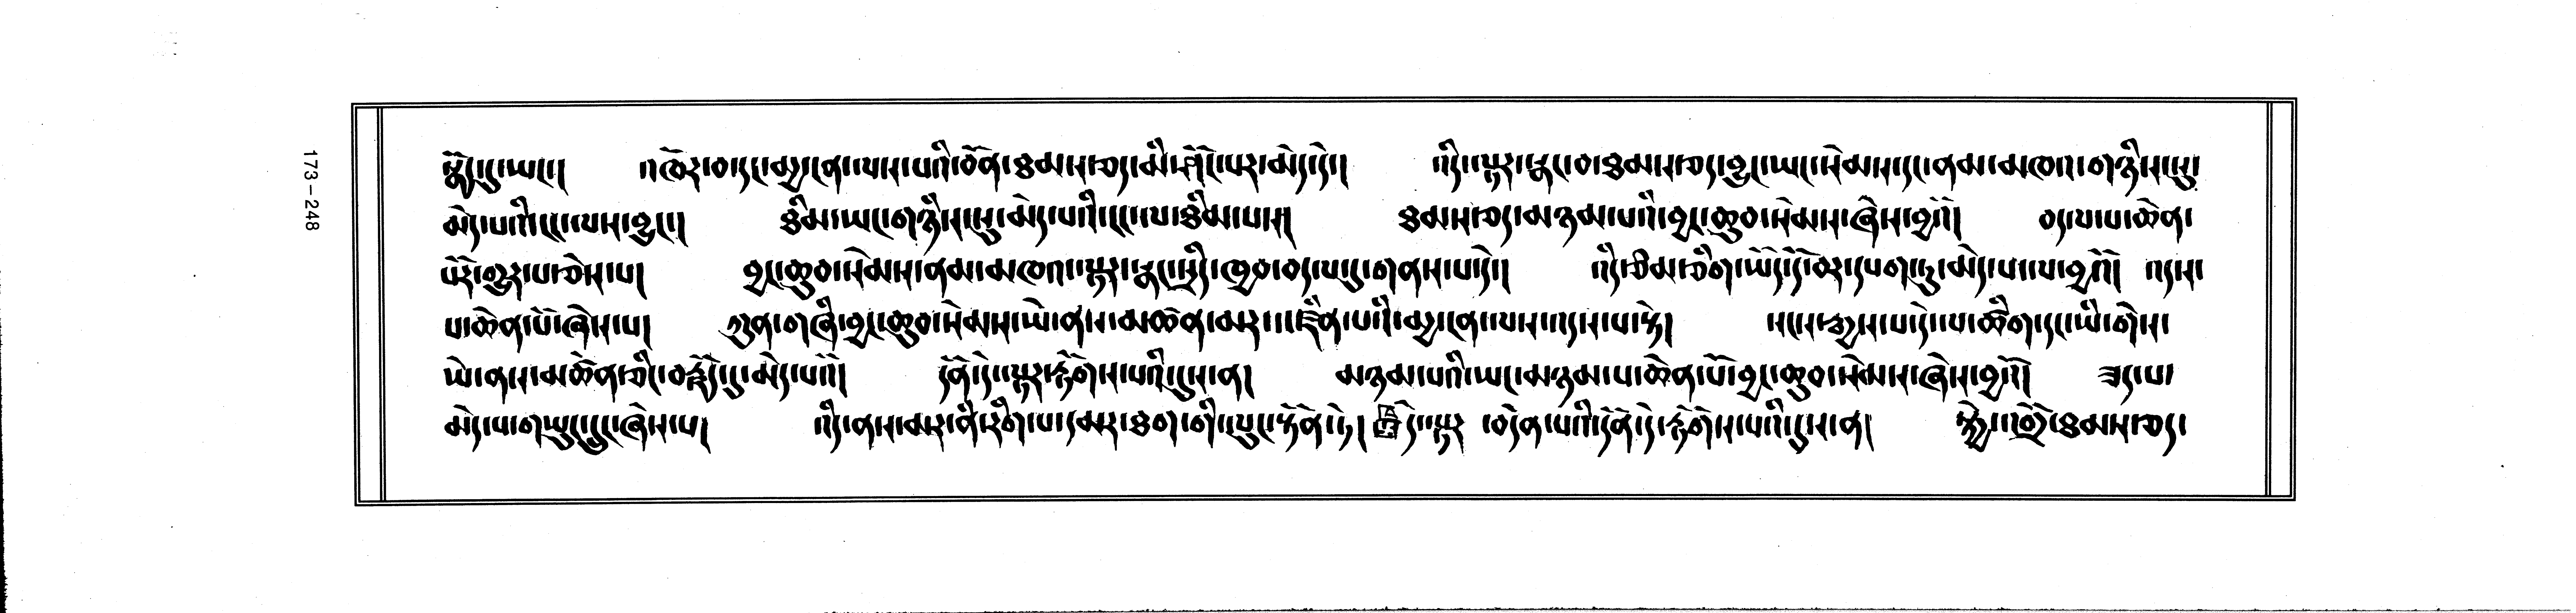སྣོད་དུ་ཡང་། འཁོར་བ་དང་མྱ་ངན་ལས་འདས་པའི་བོན་ཐམས་ཅད་མི་ཤོང་བ་མེད་དེ། འདི་ལྟར་སྣང་བ་ཐམས་ཅད་བྱུང་ཡང་སེམས་དང་ནམ་མཁའ་གཉིས་སུ་
མེད་པའི་ངང་ལས་བྱུང་། ཐིམ་ཡང་གཉིས་སུ་མེད་པའི་ངང་ལ་ཐིམ་པས། ཐམས་ཅད་མཉམ་པའི་བྱང་ཆུབ་སེམས་ཞེས་བྱའོ། །བདལ་པ་ཆེན་
པོར་གྱུར་པ་ཅེས་པ། བྱང་ཆུབ་སེམས་ནམ་མཁའ་ལྟར་སྣང་སྲིད་ཁྱབ་བདལ་དུ་གནས་པ་དེ། འདི་ཙམ་ཅིག་ཡོད་དོ་བར་དཔག་ཏུ་མེད་པ་ལ་བྱའོ། འདས་
པ་ཆེན་པོ་ཞེས་པ། ཀུན་གཞི་བྱང་ཆུབ་སེམས་ཡེ་ནས་མཚན་མར་འཛིན་པའི་མྱ་ངན་ལས་འདས་པ་སྟེ། སངས་རྒྱས་པ་དེ་ལ་ཚིག་དང་ཡི་གེས་
ཡེ་ནས་མཚོན་ཅིང་བརྗོད་དུ་མེད་པའོ། །དོན་དེ་ལྟར་རྟོགས་པའི་དུས་ན། མཉམ་པའི་ཡང་མཉམ་པ་ཆེན་པོ་བྱང་ཆུབ་སེམས་ཞེས་བྱའོ། །ཟད་པ་
མེད་པ་གཡུང་དྲུང་ཞེས་པ། འདི་ནས་མར་ནི་རིག་པ་དམར་ཐག་གི་ལུང་སྟོན་ཏེ། དཔེ་ཟད་པ་མེད་པ་ནམ་མཁའ་ཡིན་ཏེ།